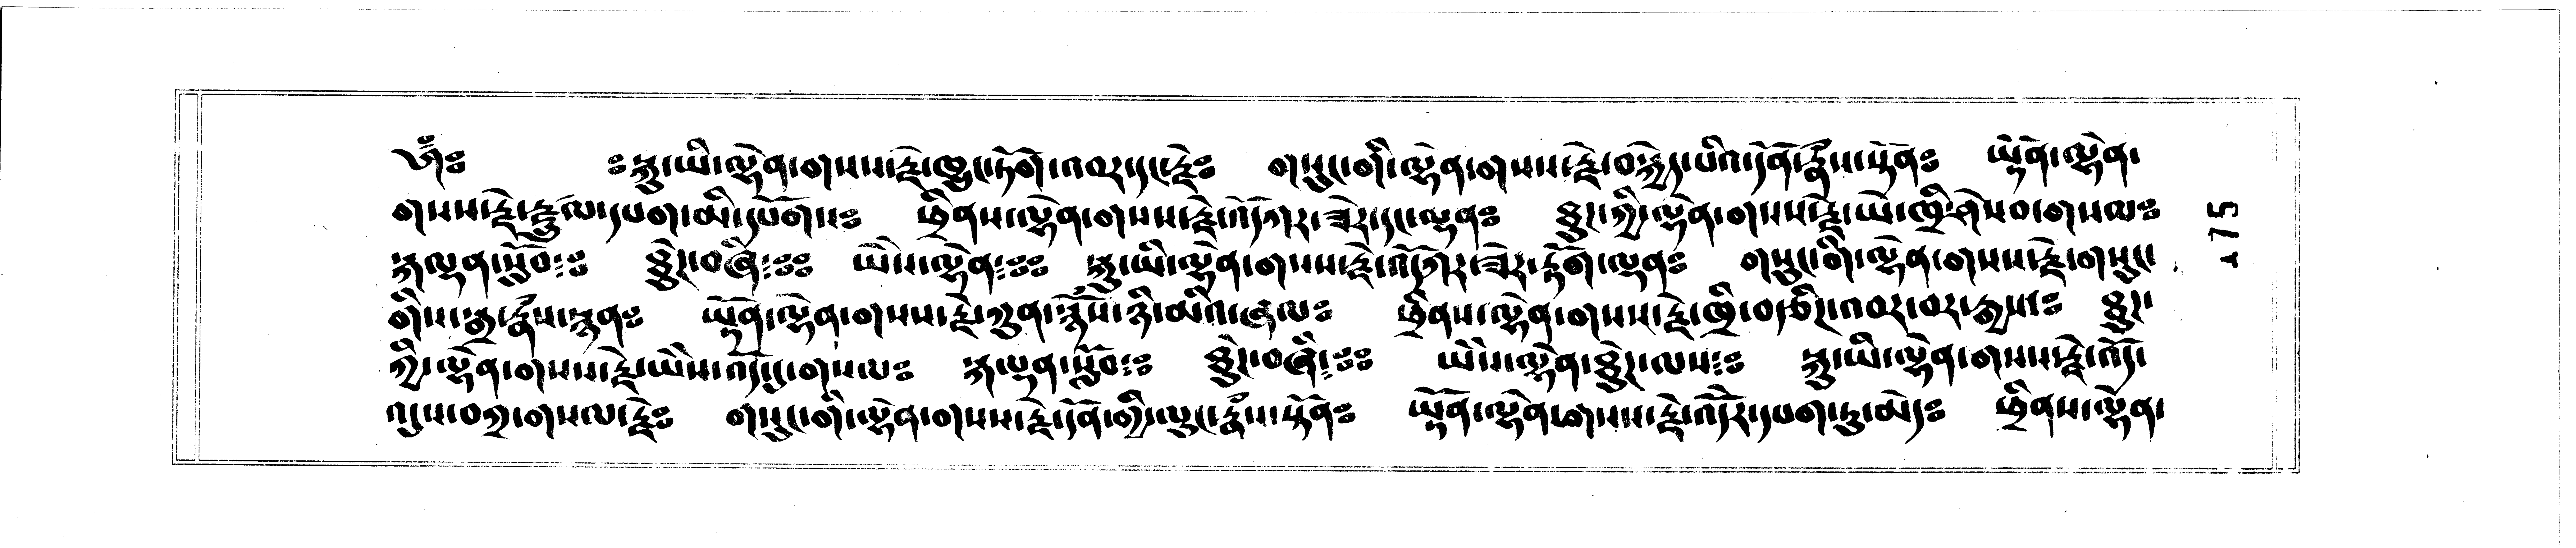སྐུ་ཡི་ལྷ་ཆེན་གསས་རྗེ་ཁྱུང་ཐོག་འབར་དང་རྗེཿ གསུང་གི་ལྷ་ཆེན་གསས་རྗེ་བསྐྱེད་པའི་དོན་རྣམས་སྟོནཿ ཡོན་ཏན་ལྷ་ཆེན་
གསས་རྗེ་རྫུ་འཕྲུལ་དཔག་མི་དཔོགཿ ཕྲིན་ལས་ཀྱི་ལྷ་ཆེན་གསས་རྗེ་འོད་དཀར་ཟེར་རྣམས་སྟོནཿ ཐུགས་ཀྱི་ལྷ་ཆེན་གསས་རྗེ་ཡེ་ཁྲི་ཤེས་རབ་གསལཿ 
སྐལ་ལྡན་སློབ་མ་རྣམས་ལ་དབང་བསྐུར་བསཿ ཐུགས་རྗེ་བཞི་བསྐྱེད་འགྲོ་འདྲེན་དབང་ཐོབ་ཤོགཿ ཡེ་ཤེས་ལྷ་ཆེན་ཐུགས་རྗེ་ལས་བསྐྱེད་པའིཿ སྐུ་ཡི་ལྷ་ཆེན་གསས་རྗེ་འོད་དཀར་ཟེར་ཏོག་ལྡནཿ གསུང་གི་ལྷ་ཆེན་གསས་རྗེ་གསུང་
གི་སྒྲ་རྣམས་སྙནཿ ཡོན་ཏན་གྱི་ལྷ་ཆེན་གསས་རྗེ་ཀུན་སྙོམས་ཉི་མའི་ཞལཿ ཕྲིན་ལས་ཀྱི་ལྷ་ཆེན་གསས་རྗེ་ཁྲི་བརྩེགས་འབར་བ་རྒྱལཿ ཐུགས་
ཀྱི་ལྷ་ཆེན་གསས་རྗེ་ཡེ་ཤེས་འོད་དུ་གསལཿ སྐལ་ལྡན་སློབ་མ་རྣམས་ལ་དབང་བསྐུར་བསཿ ཐུགས་རྗེ་བཞི་བསྐྱེད་འགྲོ་འདྲེན་དབང་ཐོབ་ཤོགཿ ཡེ་ཤེས་ལྷ་ཆེན་ཐུགས་རྗེ་ལས་བསྐྱེད་པའིཿ སྐུ་ཡི་ལྷ་ཆེན་གསས་རྗེ་འོད་
འདུས་བཀྲ་གསལ་རྗེཿ གསུང་གི་ལྷ་ཆེན་གསས་རྗེ་དོན་གྱི་ལུང་རྣམས་སྡུདཿ ཡོན་ཏན་གྱི་ལྷ་ཆེན་གསས་རྗེ་འོད་ཟེར་དཔག་ཏུ་མེདཿ ཕྲིན་ལས་ལྷ་ཆེན་